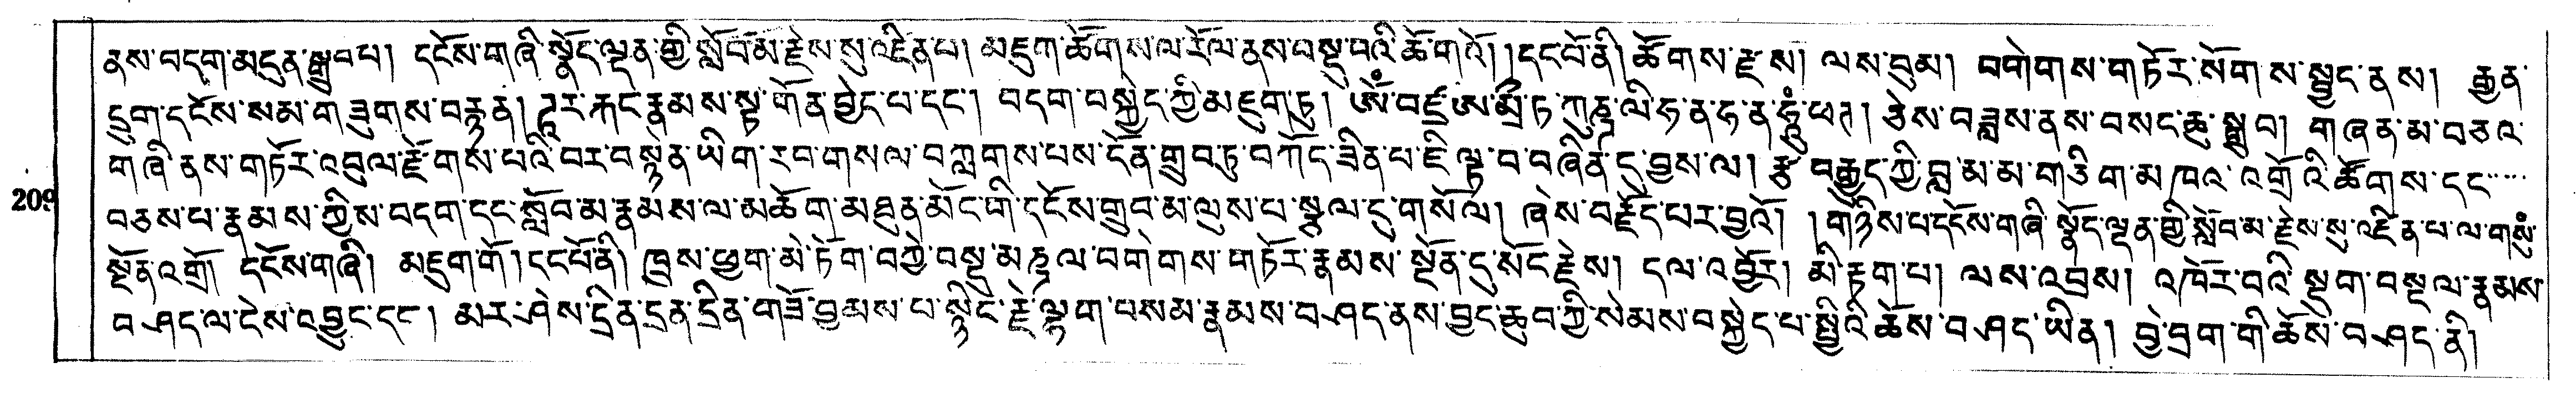ནས་བདག་མདུན་སྒྲུབ་པ། དངོས་གཞི་སྣོད་ལྡན་གྱི་སློབ་མ་རྗེས་སུ་འཛིན་པ། མཇུག་ཚོགས་ལ་རོལ་ནས་བསྡུ་བའི་ཆོ་གའོ། །དང་པོ་ནི། ཚོགས་རྫས། ལས་བུམ། བགེགས་གཏོར་སོགས་སྦྱང་ནས། རྒྱན་
དྲུག་དངོས་སམ་གཟུགས་བརྙན། ཌཱར་རྐང་རྣམས་སྟ་གོན་བྱེད་པ་དང་། བདག་བསྐྱེད་ཀྱི་མཇུག་ཏུ། ཨོཾ་བཛྲ་ཨ་མྲྀ་ཏ་ཀུཎྜྲ་ལི་ཧ་ན་ཧ་ན་ཧཱུཾ་ཕཊ། ཅེས་བཟླས་ནས་བསང་ཆུ་སྒྲུབ། གཞན་མ་བཅའ་
གཞི་ནས་གཏོར་འབུལ་རྫོགས་པའི་བར་བསྙེན་ཡིག་རབ་གསལ་བཀླགས་པས་དོན་གྲུབ་ཏུ་བཀོད་ཟིན་པ་ཇི་ལྟ་བ་བཞིན་དུ་བྱས་ལ། རྩ་བརྒྱུད་ཀྱི་བླ་མ་གཅིག་མཁའ་འགྲོའི་ཚོགས་དང་
བཅས་པ་རྣམས་ཀྱིས་བདག་དང་སློབ་མ་རྣམས་ལ་མཆོག་མཐུན་མོང་གི་དངོས་གྲུབ་མ་ལུས་པ་སྩལ་དུ་གསོལ། ཞེས་བརྗོད་པར་བྱའོ། །གཉིས་པ་དངོས་གཞིག་སྣོད་ལྡན་གྱི་སློབ་མ་རྗེས་སུ་འཛིན་པ་ལ་གསུཾ་
སྔོན་འགྲོ། དངོས་གཞི། མཇུག་གོ །དང་པོ་ནི། ཁྲུས་ཕྱག་མེ་ཏོག་བཀྱེ་བསྡུ་མཎྜལ་བགེགས་གཏོར་རྣམས་སྔོན་དུ་སོང་རྗེས། དལ་འབྱོར། མི་རྟག་པ། ལས་འབྲས། འཁོར་བའི་སྡུག་བསྔལ་རྣམས་
བཤད་ལ་ངེས་འབྱུང་དང་། མར་ཤེས་དྲིན་དྲན་དྲིན་གཟོ་བྱམས་པ་སྙིང་རྗེ་ལྷག་བསམ་རྣམས་བཤད་ནས་བྱང་ཆུབ་ཀྱི་སེམས་བསྐྱེད་པ་སྤྱིའི་ཆོས་བཤད་ཡིན། བྱེ་བྲག་གི་ཆོས་བཤད་ནི།